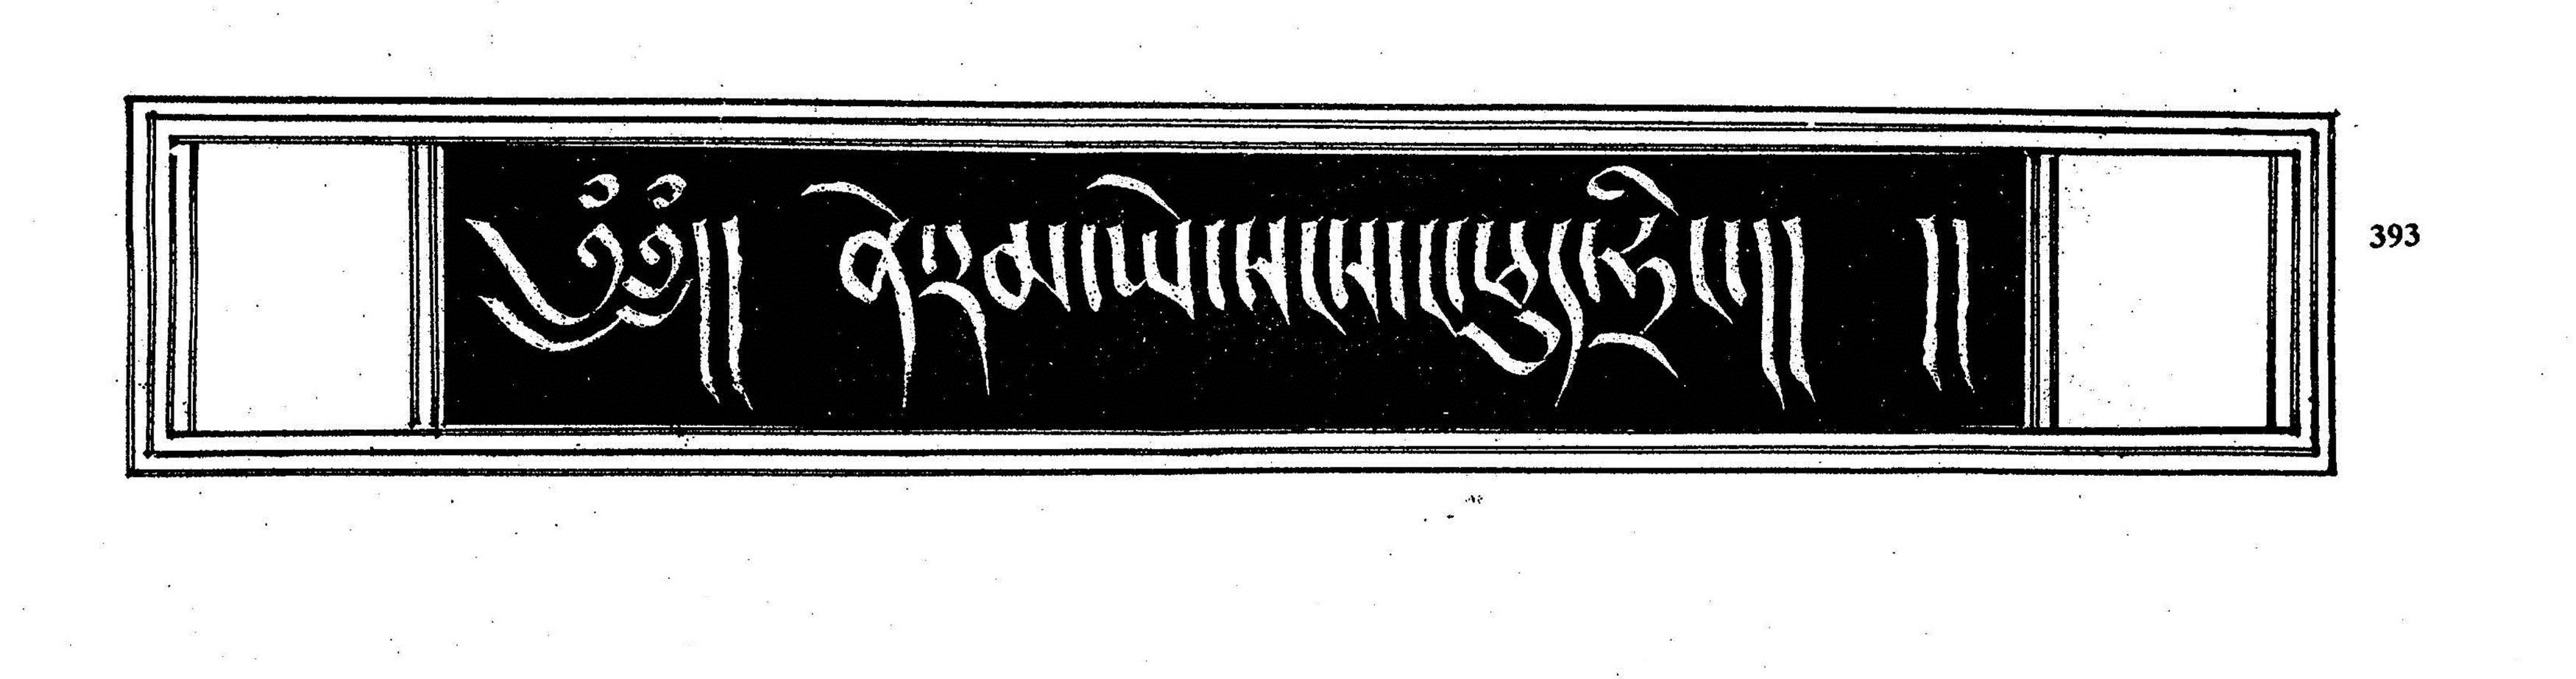{406}༄༅༅། ནེ་རམ་ཡེ་སངས་ང་ཕུད་ཧྲིང་།།